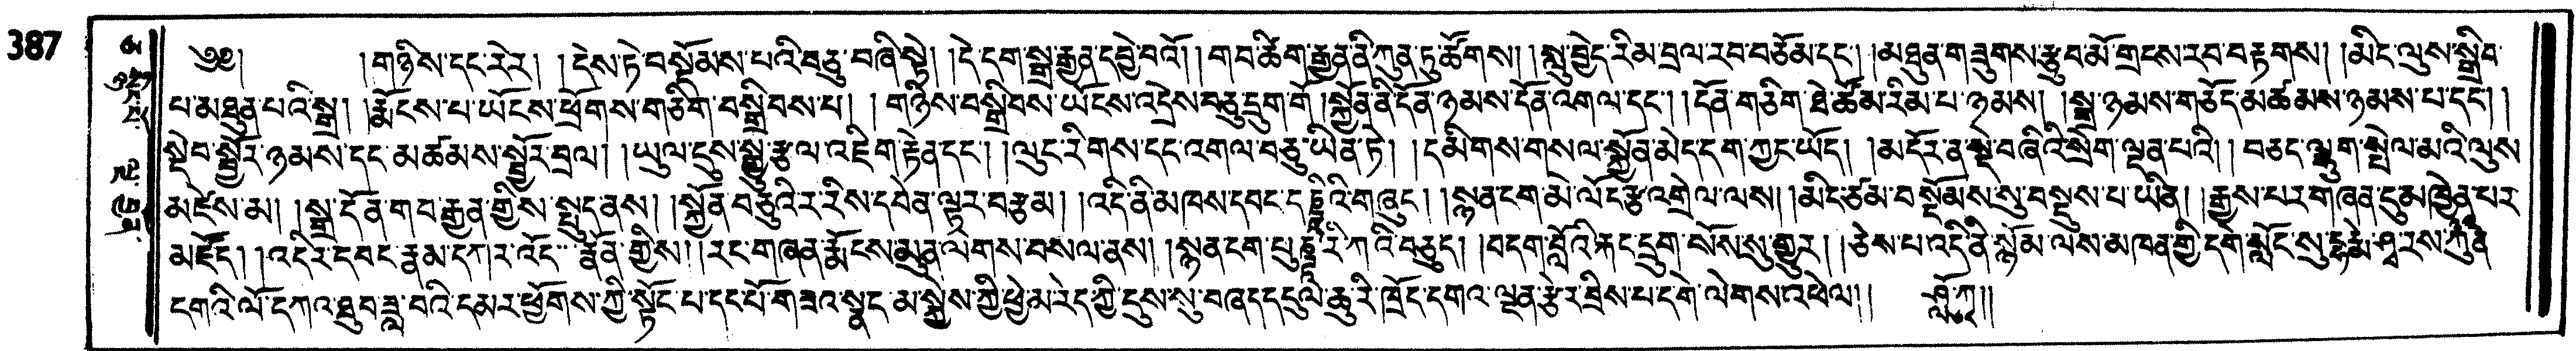༄༅། །གཉིས་དང་རེར། །དེས་ཏེ་བསྡོམས་པའི་བཅུ་བཞི་སྟེ། །དེ་དག་སྒྲ་རྒྱན་དབྱེ་བའོ། །གབ་ཚིག་རྒྱན་ནི་ཀུན་ཏུ་ཚོགས། །སླུ་བྱེད་རིམ་བྲལ་རབ་བཅོམ་དང་། །མཐུན་གཟུགས་རྩུབ་མོ་གྲངས་རབ་བརྟགས། །མིང་ལུས་སྒྲིབ་
པ་མཐུན་པའི་སྒྲ། །རྨོངས་པ་ཡོངས་ཕྲོགས་གཅིག་བསྒྲིབས་པ། །གཉིས་བསྒྲིབས་ཡོངས་འདྲེས་བཅུ་དྲུག་གོ །སྐྱོན་ནི་དོན་ཉམས་དོན་འགལ་དང་། །དོན་གཅིག་ཐེ་ཚོམ་རིམ་པ་ཉམས། །སྒྲ་ཉམས་གཅོད་མཚམས་ཉམས་པ་དང་། །
སྡེབ་སྦྱོར་ཉམས་དང་མཚམས་སྦྱོར་བྲལ། །ཡུལ་དུས་སྒྱུ་རྩལ་འཇིག་རྟེན་དང་། །ལུང་རིགས་དང་འགལ་བཅུ་ཡིན་ཏེ། །དམིགས་གསལ་སྐྱོན་མེད་དག་ཀྱང་ཡོད། །མདོར་ན་སྡེ་བཞིའི་སྲོག་ལྡན་པའི། །བཅད་ལྷུག་སྤེལ་མའི་ལུས་
མཛེས་མ། །སྒྲ་དོན་གབ་རྒྱན་གྱིས་སྤུད་ནས། །སྐྱོན་བཅུའི་ར་རིས་དབེན་ལྟར་བརྩམ། །འདི་ནི་མཁས་དབང་དཎྜཱིའི་གཞུང་། །སྙན་ངག་མེ་ལོང་རྩ་འགྲེལ་ལས། །མིང་ཙམ་བསྡོམས་སུ་བསྡུས་པ་ཡིན། །རྒྱས་པར་གཞན་དུ་མཁྱེན་པར་
མཛོད། །འདིར་དབང་རྣམ་དཀར་འོང་་་རྣོན་གྱིས། །རང་གཞན་རྨོངས་མུན་ལགས་བསལ་ནས། །སྙན་ངག་པུཎྜཱ་རི་ཀའི་བཅུད། །བདག་བློའི་རྐང་དྲུག་སོས་སུ་གྱུར། །ཅེས་པ་འདི་ནི་སྙོམ་ལས་མཁན་གྱི་དགེ་སློང་སུ་དྷརྨེ་ཤྭ་རས ༢༣་ཀུན་
དགའི་ལོ་དཀའ་ཐུབ་ཟླ་བའི་དམར་ཕྱོགས་ཀྱི་སྟོང་པ་དང་པོ་གཟའ་སྣང་མ་སྐྱེས་ཀྱི་ཕྱེ་མ་རེད་ཀྱི་དུས་སུ་བཞད་དུལ་ཆུ་རི་ཁྲོད་དགའ་ལྡན་རྩེར་བྲིས་པ་དགེ་ལེགས་འཕེལ།། ཤློ྾་ཀྭ།།